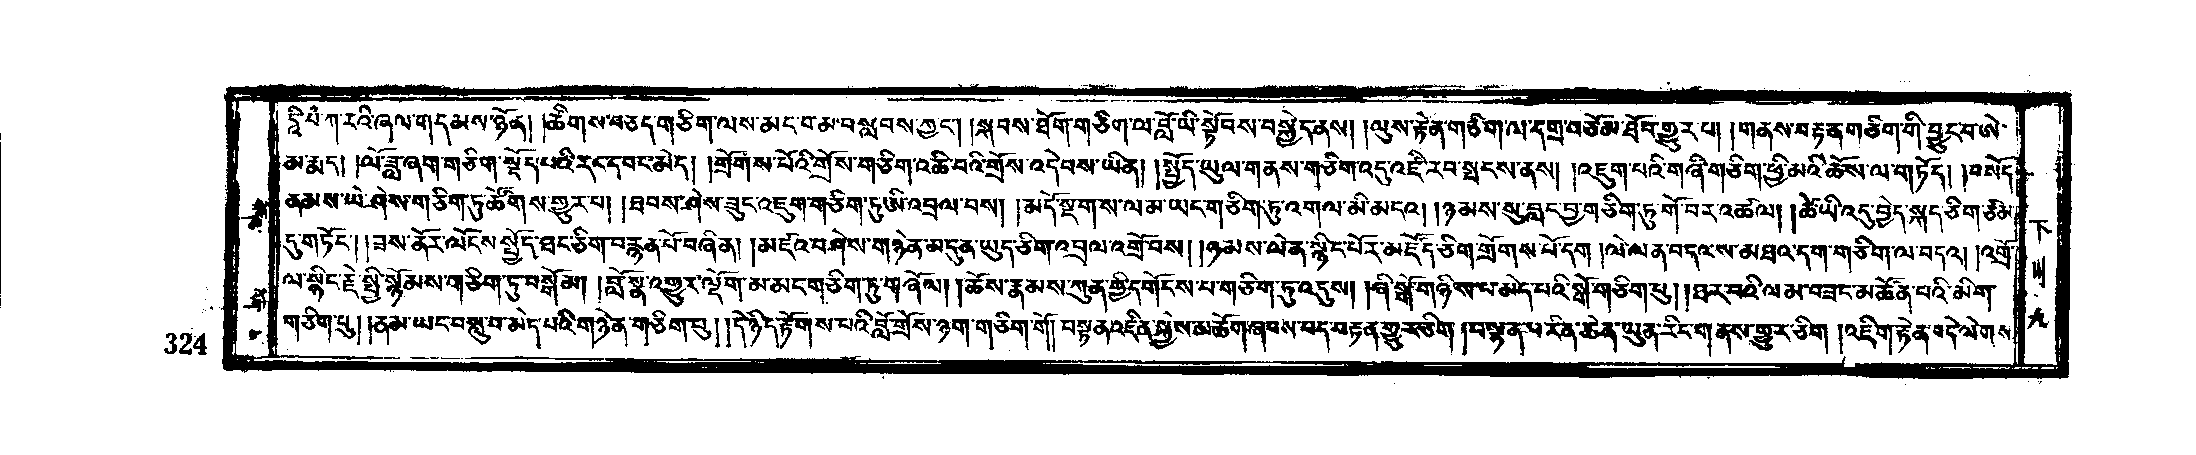དཱི་པཾ་ཀ་རའི་ཞལ་གདམས་ཉོན། །ཚིགས་བཅད་གཅིག་ལས་མང་བ་མ་བསླབས་ཀྱང་། །སྐབས་ཐོག་གཅིག་ལ་བློ་ཡི་སྟོབས་བསྐྱེད་ནས། །ལུས་རྟེན་གཅིག་ལ་དགྲ་བཅོམ་ཐོབ་གྱུར་པ། །གནས་བརྟན་གཅིག་གི་བྱུང་བ་ཨེ་
མ་རྨད། །ལོ་ཟླ་ཞག་གཅིག་སྡོད་པའི་རང་དབང་མེད། །གྲོགས་པོའི་གྲོས་གཅིག་འཆི་བའི་གྲོས་འདེབས་ཡིན། །སྤྱོད་ཡུལ་གནས་གཅིག་འདུ་འཛི་རབ་སྤངས་ནས། །འཇུག་པའི་གཞི་གཅིག་ཕྱི་མའི་ཆོས་ལ་གཏོད། །བསོད་
ནམས་ཡེ་ཤེས་གཅིག་ཏུ་ཚོགས་གྱུར་པ། །ཐབས་ཤེས་ཟུང་འཇུག་གཅིག་ཏུ་ཨི་འབྲལ་བས། །མདོ་སྔགས་ལམ་ཡང་གཅིག་ཏུ་འགལ་མི་མདའ། །ཉམས་སུ་བླང་བྱ་གཅིག་ཏུ་གོ་བར་འཚལ། །ཚེ་ཡི་འདུ་བྱེད་སྐད་ཅིག་ཙམ་
དུ་གཏོང་། །ཟས་ནོར་ལོངས་སྤྱོད་ཐང་ཅིག་བརྙན་པོ་བཞིན། །མཛའ་བཤེས་གཉེན་མདུན་ཡུད་ཅིག་འབྲལ་འགྲོ་བས། །ཉམས་ལེན་སྙིང་པོར་མཛོད་ཅིག་གྲོགས་པོ་དག །ལེ་ལན་བདའ་ས་མཐའ་དག་གཅིག་ལ་བདའ། །འགྲོ་
ལ་སྙིང་རྗེ་སྤྱི་སྙོམས་གཅིག་ཏུ་བསྒོམ། །བློ་སྣ་འགྱུར་ལྡོག་མ་མང་གཅིག་ཏུ་གཞོལ། །ཆོས་རྣམས་ཀུན་གྱི་དགོངས་པ་གཅིག་ཏུ་འདུས། །ཞི་སྒོ་གཉིས་པ་མེད་པའི་སྒོ་གཅིག་པུ། །ཐར་བའི་ལམ་བཟང་མཚོན་པའི་མིག་
གཅིག་པུ། །ནམ་ཡང་བསླུ་བ་མེད་པའི་གཉེན་གཅིག་པུ། །དེ་ཉིད་རྟོགས་པའི་བློ་གྲོས་ཉག་གཅིག་གོ། བསྟན་འཛིན་སྐྱེས་མཆོག་ཞབས་བད?་བརྟན་གྱུར་ཅིག །བསྟན་པ་རིན་ཆེན་ཡུན་རིང་གནས་གྱུར་ཅིག །འཇིག་རྟེན་བདེ་ལེགས་